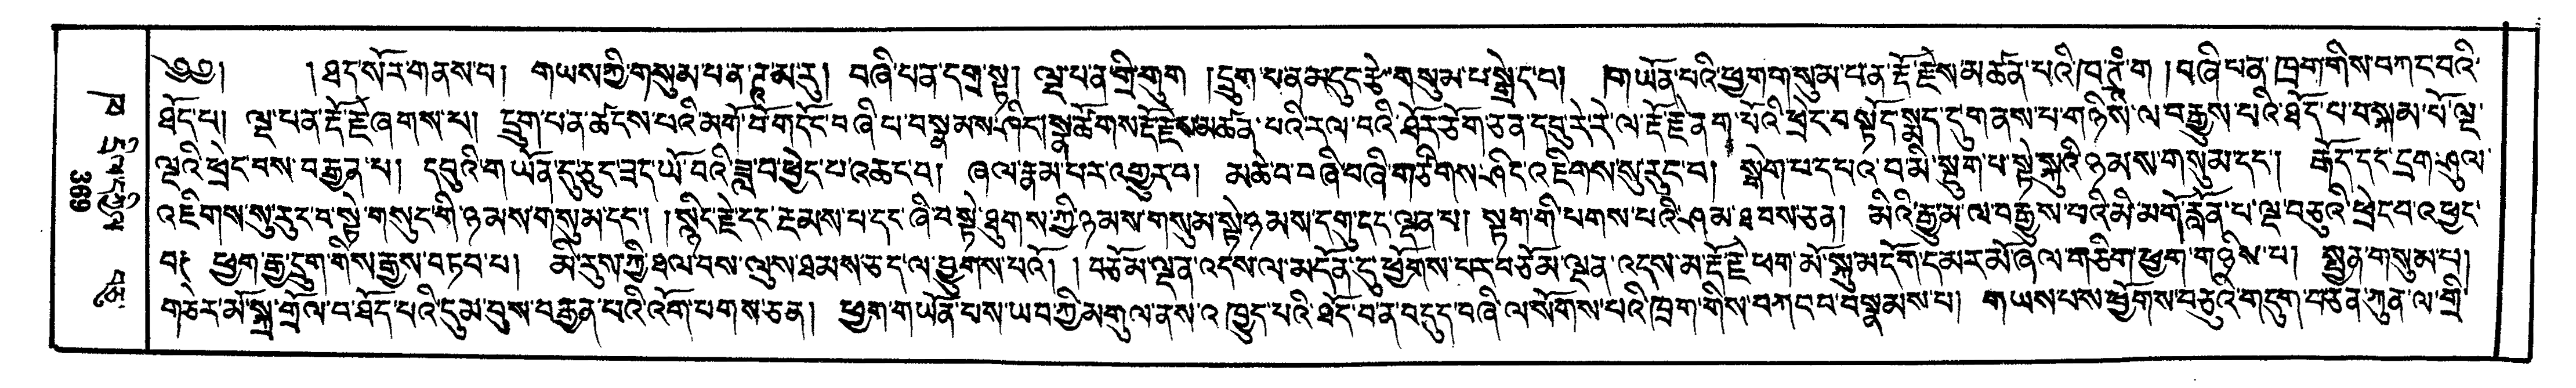༄༅། །ཐད་སོར་གནས་པ། གཡས་ཀྱི་གསུམ་པ་ན་ཌ་མ་རུ། བཞི་བ་ན་དགྲ་སྟ། ལྔ་པ་ན་གྲི་གུག །དྲུག་པ་ན་མདུད་རྩེ་གསུམ་པ་སྒྲེང་བ། གཡོན་པའི་ཕྱག་གསུམ་པ་ན་རྡོ་རྗེས་མཚན་པའི་ཁ་ཊྭཱཾ་ག །བཞི་པ་ན་ཁྲག་གིས་བཀང་བའི་
ཐོད་པ། ལྔ་པ་ན་རྡོ་རྗེ་ཞགས་པ། དྲུག་པ་ན་ཚངས་པའི་མགོ་བོ་གདོང་བཞི་པ་བསྣམས་ཤིང་། སྣ་ཚོགས་རྡོ་རྗེས་མཚན་པའི་རལ་པའི་ཐོར་ཅོག་ཅན་དབུ་རེ་རེ་ལ་རྡོ་རྗེ་ནག་པོའི་ཕྲེང་བ་སྟོད་སྨད་དུ་གནས་པ་གཉིས་ལ་བརྒྱུས་པའི་ཐོད་པ་བསྐམ་པོ་ལྔ་
ལྔའི་ཕྲེང་བས་བརྒྱན་པ། དབུའི་གཡོན་དུ་ཅུང་ཟད་ཡོ་བའི་ཟླ་བ་ཕྱེད་པ་འཆང་བ། ཞལ་རྣམ་པར་འགྱུར་བ། མཆེ་བ་བཞི་བཞི་གཙིགས་ཤིང་འཇིགས་སུ་རུང་བ། སྒེག་པ་དཔའ་བ་མི་སྡུག་པ་སྟེ་སྐུའི་ཉམས་གསུམ་དང་། རྒོད་དང་དྲག་ཤུལ་
འཇིགས་སུ་རུང་བ་སྟེ་གསུང་གི་ཉམས་གསུམ་དང་། །སྙིང་རྗེ་དང་རྔམས་པ་དང་ཞི་བ་སྟེ་ཐུགས་ཀྱི་ཉམས་གསུམ་སྟེ་ཉམས་དགུ་དང་ལྡན་པ། སྟག་གི་བགས་པའི་ཤམ་ཐབས་ཅན། མིའི་རྒྱུ་མ་ལ་བརྒྱུས་པའི་མི་མགོ་རློན་པ་ལྔ་བཅུའི་ཕྲེང་བ་འཕྱང་
བ༑ ཕྱག་རྒྱ་དྲུག་གིས་རྒྱས་བཏབ་པ། མི་རུས་ཀྱི་ཐལ་བས་ལུས་ཐམས་ཅད་ལ་བྱུགས་པའོ། །བཅོམ་ལྡན་འདས་ལ་མངོན་དུ་ཕྱོགས་བར་བཅོམ་ལྡན་འདས་མ་རྡོ་རྗེ་ཕག་མོ་སྐུ་མདོག་དམར་མོ་ཞལ་གཅིག་ཕྱག་གཉིས་པ། སྤྱན་གསུམ་པ།
གཅེར་མོ་སྐྲ་གྲོལ་བ་ཐོད་པའི་དུམ་བུས་བརྒྱན་པའི་འོག་པག་ཅན། ཕྱག་གཡོན་པས་ཡབ་ཀྱི་མགུལ་ནས་འཁྱུད་པའི་ཐོད་པ་ན་བདུད་བཞི་ལ་སོགས་པའི་ཁྲག་གིས་བཀང་བ་བསྣམས་པ། གཡས་པས་ཕྱོགས་བཅུའི་གདུག་བ་ཅན་ཀུན་ལ་གྲི་